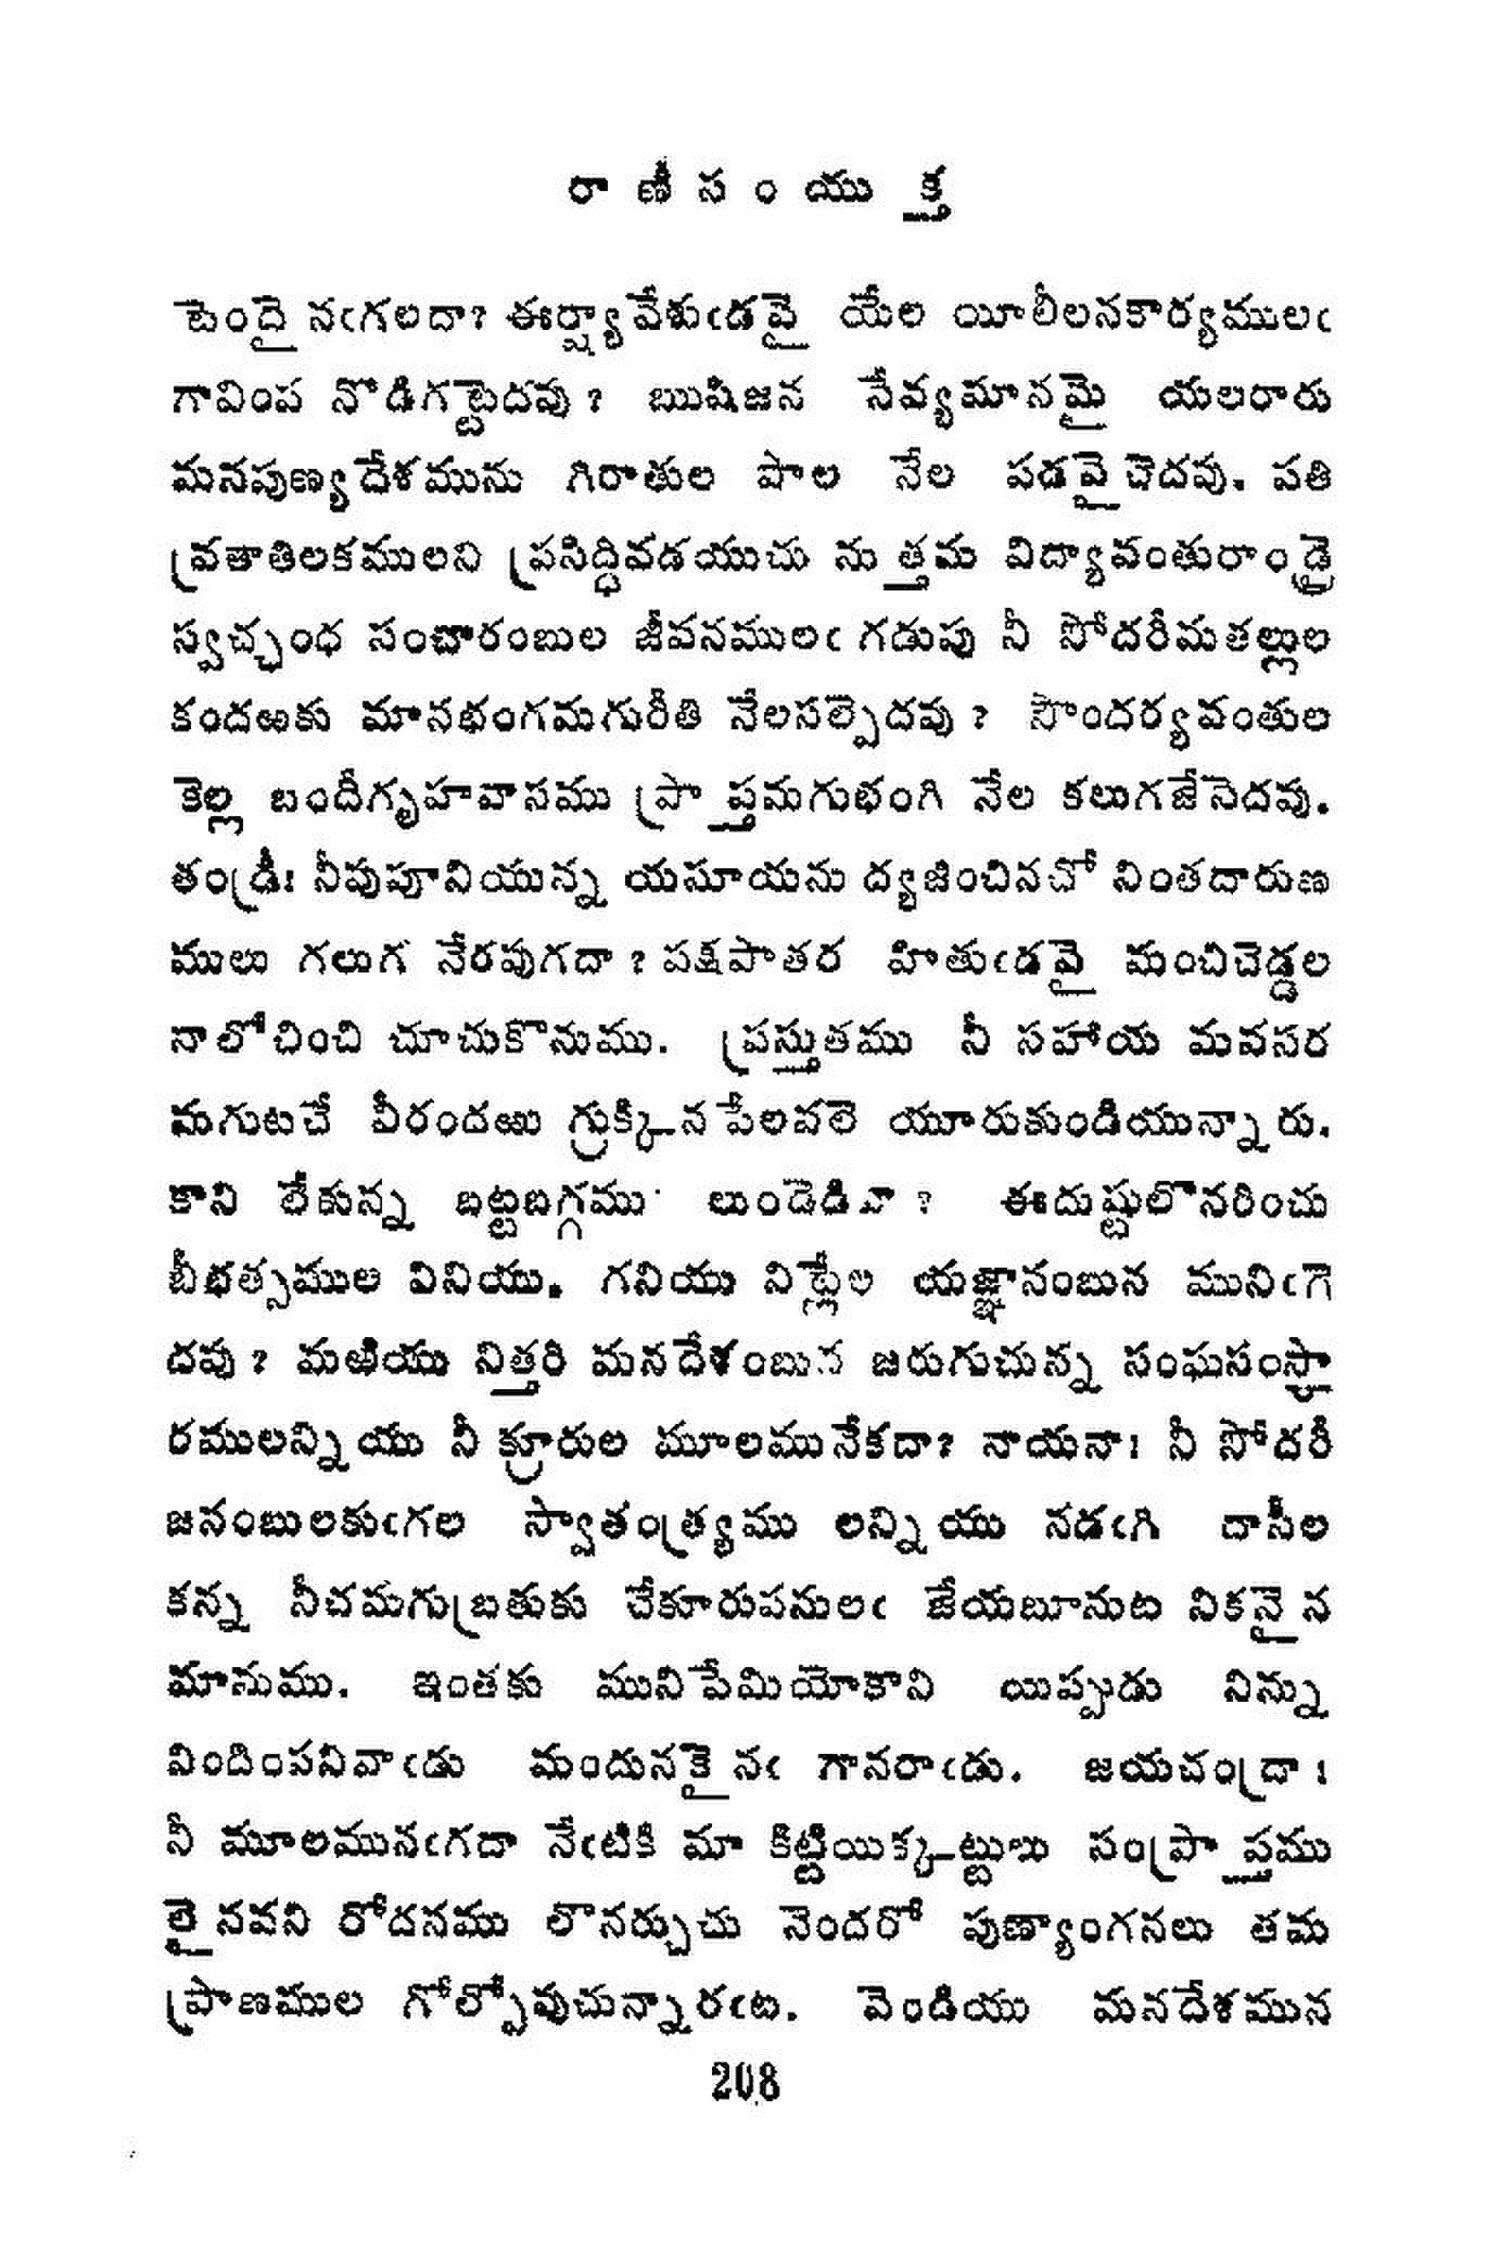టెందైనఁగలదా? ఈర్ష్యావేశుఁడవై యేల యీలీలనకార్యములఁ గావింప నొడిగట్టెదవు ? ఋషిజన సేవ్యమానమై యలరారు మనపుణ్యదేశమును గిరాతుల పాల నేల పడవైచెదవు. పతివ్రతాతిలకములని ప్రసిద్ధివడయుచు నుత్తమ విద్యావంతురాండ్రై స్వచ్చంధ సంచారంబుల జీవనములఁ గడుపు నీ సోదరీమతల్లుల కందఱకు మానభంగమగురీతి నేలసల్పెదవు? సొందర్యవంతుల కెల్ల బందీగృహవాసము ప్రాప్తమగుభంగి నేల కలుగజేసెదవు. తండ్రీ! నీవుపూనియున్న యసూయను ద్యజించినచో నింతదారుణములు గలుగ నేరవుగదా? పక్షపాతర హితుఁడవై మంచిచెడ్డల నాలోచించి చూచుకొనుము. ప్రస్తుతము నీ సహాయ మవసరమగుటచే వీరందఱు గ్రుక్కిన పేలవలె యూరుకుండియున్నారు. కాని లేకున్న బట్టబగ్గము లుండెడివా? ఈదుష్టులొనరించు బీభత్సముల వినియు, గనియు నిట్లేల యజ్ఞానంబున మునిఁగెదవు ? మఱియు నిత్తరి మనదేశంబున జరుగుచున్న సంఘసంస్కారములన్నియు నీ క్రూరుల మూలమునేకదా? నాయనా! నీ సోదరీ జనంబులకుఁగల స్వాతంత్ర్యము లన్నియు నడఁగి దాసీలకన్న నీచమగుబ్రతుకు చేకూరుపనులఁ జేయబూనుట నికనైన మానుము. ఇంతకు మునిపేమియోకాని యిప్పుడు నిన్ను నిందింపనివాఁడు మందునకైనఁ గానరాఁడు. జయచంద్రా! నీ మూలమునఁగదా నేఁటికి మా కిట్టియిక్కట్టులు సంప్రాప్తము లైనవని రోదనము లొనర్చుచు నెందరో పుణ్యాంగనలు తమ ప్రాణముల గోల్పోవుచున్నారట. వెండియు మనదేశమున